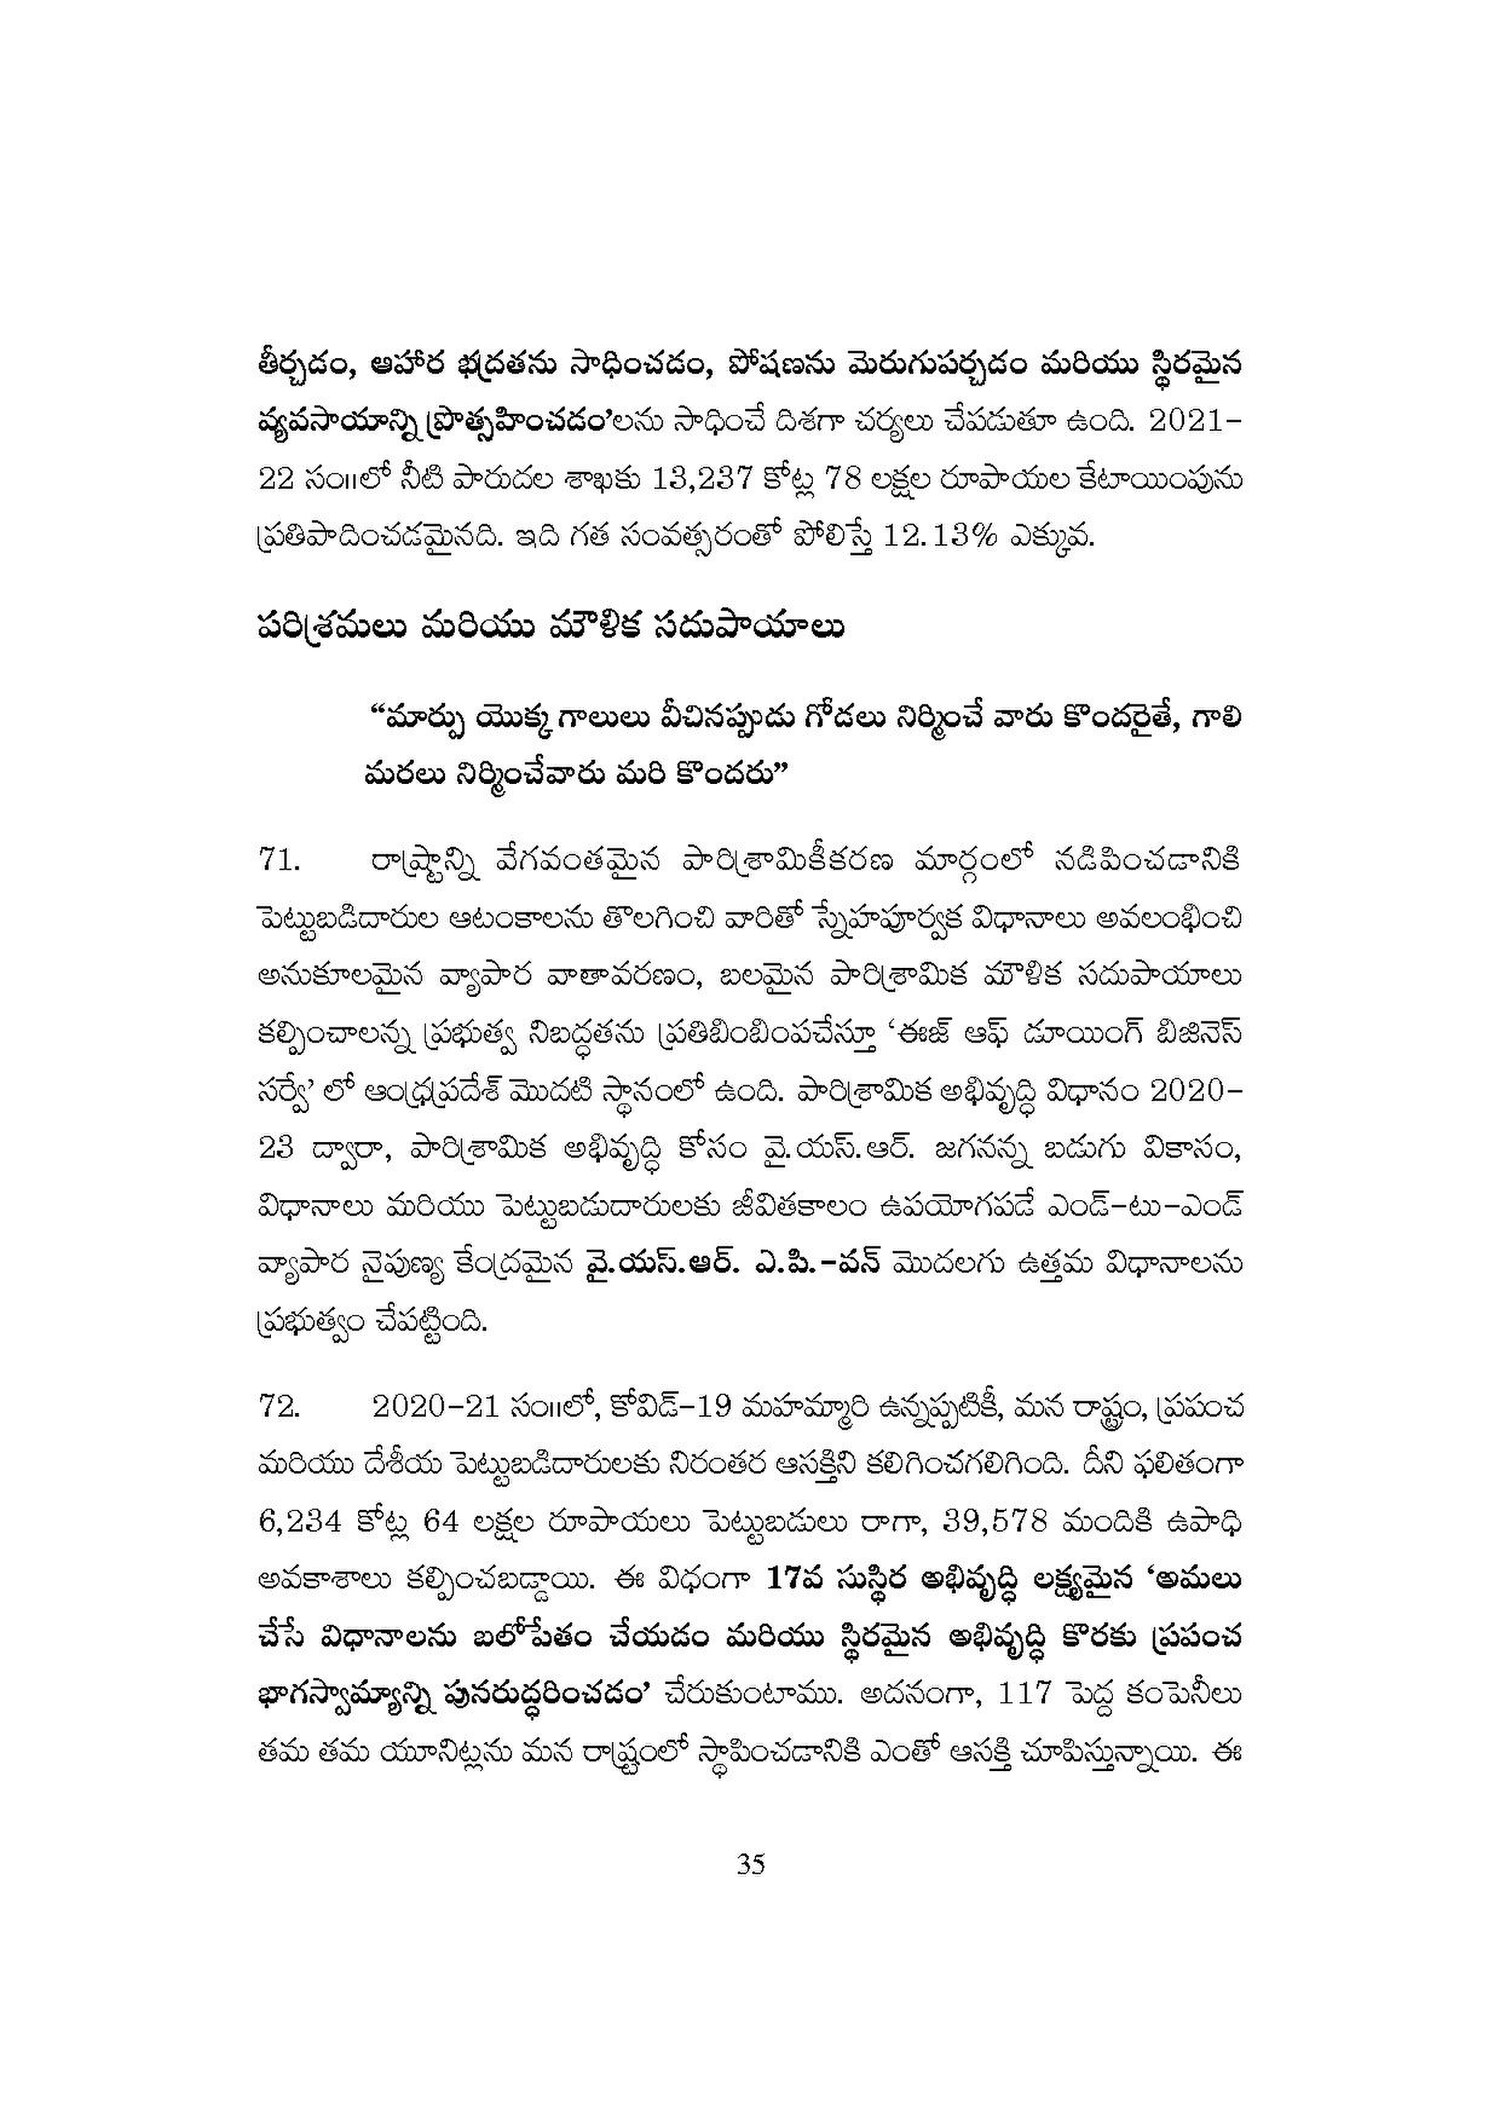తీర్చడం, ఆహార భద్రతను సాధించడం, పోషణను మెరుగుపర్చడం మరియు స్థిరమైన వ్యవసాయాన్ని ప్రోత్సహించడం'లను సాధించే దిశగా చర్యలు చేపడుతూ ఉంది. 2021-
22 సం॥లో నీటి పారుదల శాఖకు 13,237 కోట్ల 78 లక్షల రూపాయల కేటాయింపును
ప్రతిపాదించడమైనది. ఇది గత సంవత్సరంతో పోలిస్తే 12.13% ఎక్కువ.

పరిశ్రమలు మరియు మౌళిక సదుపాయాలు

“మార్పు యొక్క గాలులు వీచినప్పుడు గోడలు నిర్మించే వారు కొందరైతే, గాలి
మరలు నిర్మించేవారు మరి కొందరు” 

71. రాష్ట్రాన్ని వేగవంతమైన పారిశ్రామికీకరణ మార్గంలో నడిపించడానికి
పెట్టుబడిదారుల ఆటంకాలను తొలగించి వారితో స్నేహపూర్వక విధానాలు అవలంభించి
అనుకూలమైన వ్యాపార వాతావరణం, బలమైన పారిశ్రామిక మౌళిక సదుపాయాలు
కల్పించాలన్న ప్రభుత్వ నిబద్ధతను ప్రతిబింబింపచేస్తూ 'ఈజ్ ఆఫ్ డూయింగ్ బిజినెస్
సర్వే' లో ఆంధ్రప్రదేశ్ మొదటి స్థానంలో ఉంది. పారిశ్రామిక అభివృద్ధి విధానం 2020-
23 ద్వారా, పారిశ్రామిక అభివృద్ధి కోసం వై.యస్.ఆర్. జగనన్న బడుగు వికాసం,
విధానాలు మరియు పెట్టుబడుదారులకు జీవితకాలం ఉపయోగపడే ఎండ్-టు-ఎండ్
వ్యాపార నైపుణ్య కేంద్రమైన వై.యస్.ఆర్. ఎ.పి.-వన్ మొదలగు ఉత్తమ విధానాలను
ప్రభుత్వం చేపట్టింది.
72. 2020-21 సం॥లో, కోవిడ్-19 మహమ్మారి ఉన్నప్పటికీ, మన రాష్ట్రం, ప్రపంచ
మరియు దేశీయ పెట్టుబడిదారులకు నిరంతర ఆసక్తిని కలిగించగలిగింది. దీని ఫలితంగా
6,234 కోట్ల 64 లక్షల రూపాయలు పెట్టుబడులు రాగా, 39,578 మందికి ఉపాధి
అవకాశాలు కల్పించబడ్డాయి. ఈ విధంగా 17వ సుస్థిర అభివృద్ధి లక్ష్యమైన 'అమలు చేసే విధానాలను బలోపేతం చేయడం మరియు స్థిరమైన అభివృద్ధి కొరకు ప్రపంచ భాగస్వామ్యాన్ని పునరుద్ధరించడం' చేరుకుంటాము. అదనంగా, 117 పెద్ద కంపెనీలు
తమ తమ యూనిట్లను మన రాష్ట్రంలో స్థాపించడానికి ఎంతో ఆసక్తి చూపిస్తున్నాయి. ఈ